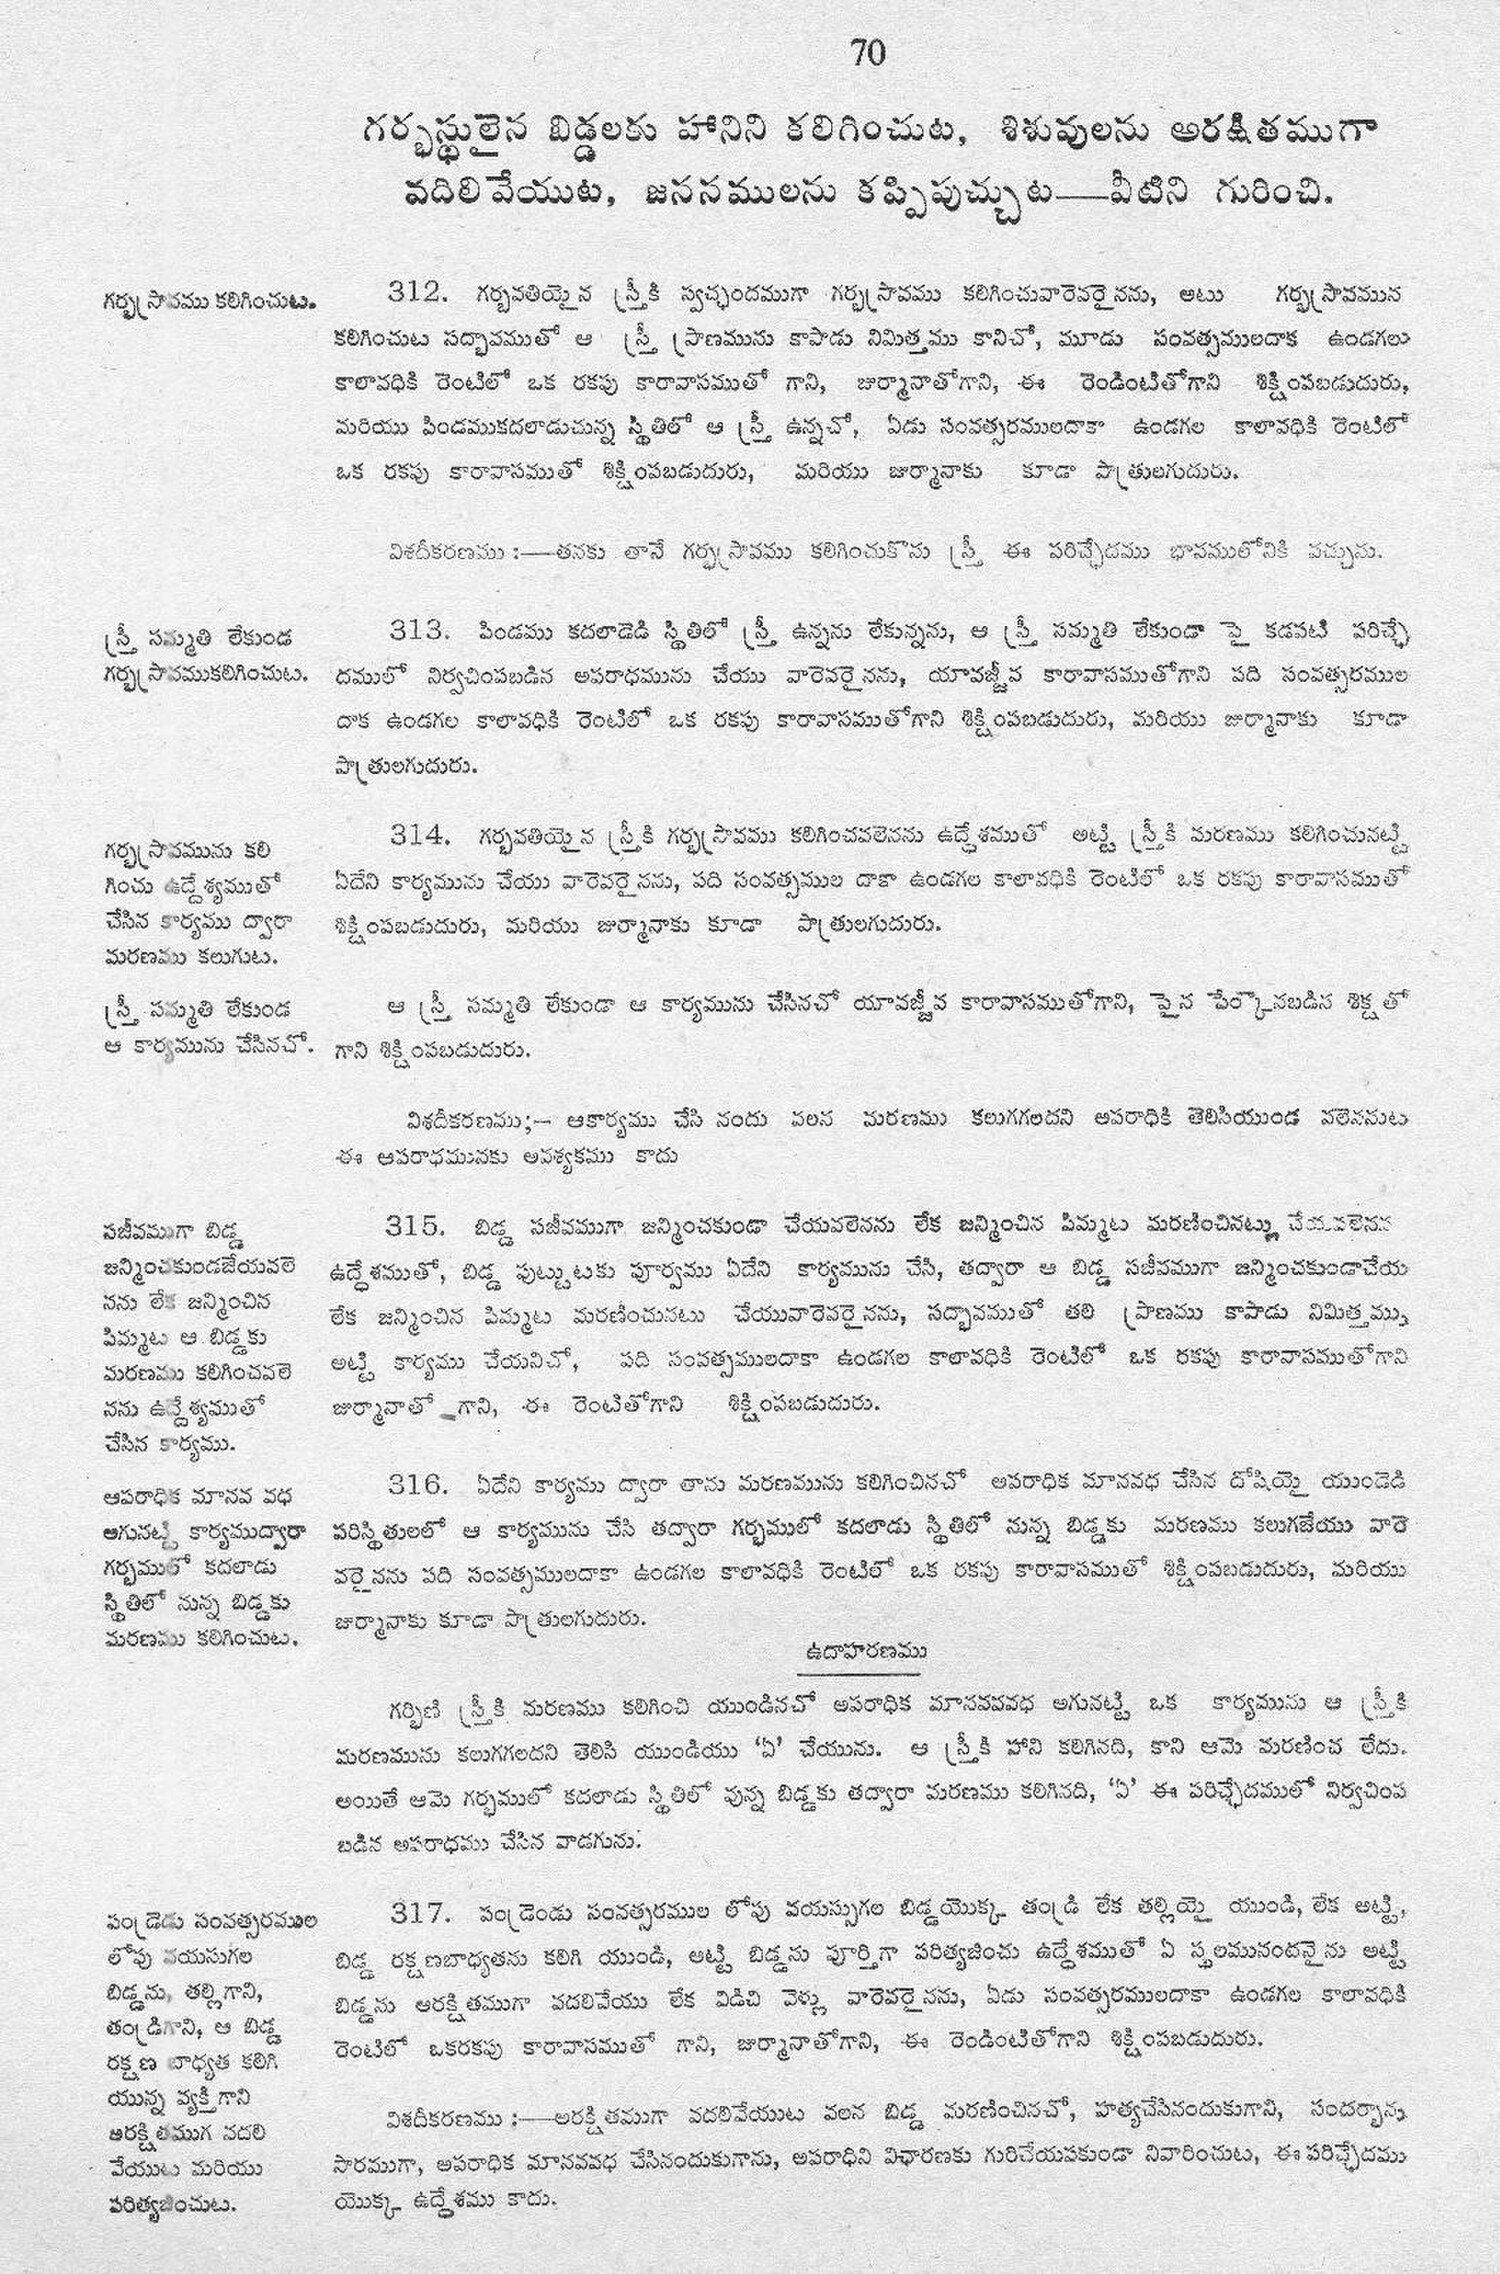గర్భస్రావము కలిగించుట. 

312. గర్భవతియైన స్త్రీకి స్వచ్ఛందముగా గర్భస్రావము కలిగించువారెవరైనను, అటు గర్భస్రావమున కలిగించుట సద్భావముతో ఆ స్త్రీ ప్రాణమును కాపాడు నిమిత్తము కానిచో, మూడు సంవత్సములదాక ఉండగలు కాలావధికి రెంటిలో ఒక రకపు కారావాసముతో గాని, జుర్మానాతోగాని, ఈ రెండింటితో గాని శిక్షింపబడుదురు, మరియు పిండము కదలాడుచున్న స్థితిలో ఆ స్త్రీ ఉన్నచో, ఏడు సంవత్సరములదాకా ఉండగల కాలావధికి రెంటిలో ఒక రకపు కారావాసముతో శిక్షింపబడుదురు,మరియు జుర్మానాకు కూడా పాత్రులగుదురు.

విశదీకరణము :- తనకు తానే గర్భ స్రావము కలిగించుకొను స్త్రీ ఈ పరిచ్ఛేదము భాసములోనికి వచ్చును.

స్త్రీ సమ్మతి లేకుండ గర్భస్రావముకలిగించుట,

313. పిండము కదలాడెడి స్థితిలో స్త్రీ ఉన్నను లేకున్నను, ఆ స్త్రీ సమ్మతి లేకుండా పై కడపటి పరిచ్చేదములో నిర్వచింపబడిన అపరాధమును చేయు వారెవరైనను, యావజ్జీవ కారావాసముతోగాని పది సంవత్సరముల దాక ఉండగల కాలావధికి రెంటిలో ఒక రకపు కారావాసముతో గాని శిక్షింపబడుదురు, మరియు జుర్మానాకు కూడా పాత్రులగుదురు.

గర్భ స్రావమును కలిగించు ఉద్దేశ్యముతో చేసిన కార్యము ద్వారా మరణము కలుగుట.

314. గర్భవతియైన స్త్రీకి గర్భస్రావము కలిగించవలెనను ఉద్దేశముతో అట్టి స్త్రీకి మరణము కలిగించునట్టి ఏదేని కార్యమును చేయు వారెవరైనను, పది సంవత్సముల దాకా ఉండగల కాలావధికి రెంటిలో ఒక రకపు కారావాసముతో శిక్షింపబడుదురు, మరియు జుర్మానాకు కూడా పాత్రులగుదురు.

స్త్రీ సమ్మతి లేకుండా ఆ కార్యమును చేసినచో 

ఆ స్త్రీ సమ్మతి లేకుండ ఆ కార్యమును చేసినచో యావజ్జీవ కారావాసముతోగాని, పైన పేర్కొనబడిన శిక్ష తో గాని శిక్షింపబడుదురు.

విశదీకరణము : -- ఆ కార్యము చేసి నందు వలన మరణము కలుగగలదని అపరాధికి తెలిసియుండ వలెననుట ఈ ఆపరాధమునకు అవశ్యకము కాదు

సజీవముగా బిడ్డ జన్మించకుండజేయవలెనను లేక జన్మించిన పిమ్మట ఆ బిడ్డకు మరణము కలిగించవలెనను ఉద్దేశ్యముతో చేసిన కార్యము.

315. బిడ్డ సజీవముగా జన్మించకుండా చేయవలెనను లేక జన్మించిన పిమ్మట మరణించినట్లు చేయవలెనను ఉద్దేశముతో, బిడ్డ పుట్టుటకు పూర్వము ఏదేని కార్యమును చేసి, తద్వారా ఆ బిడ్డ సజీవముగా జన్మించకుండా చేయలేక జన్మించిన పిమ్మట మరణించునటు చేయువారెవరైనను, సద్భావముతో తల్లి ప్రాణము కాపాడు నిమిత్తము, అట్టి కార్యము చేయనిచో, పది సంవత్సముల దాకా ఉండగల కాలావధికి రెంటిలో ఒక రకపు కారావాసముతో గాని జుర్మానాతో గాని, ఈ రెంటితో గాని శిక్షింపబడుదురు.

అపరాధిక మానవ వధ అగునట్టి కార్యముద్వారా గర్భములో కదలాడు స్థితిలో నున్న బిడ్డకు మరణము కలుగించుట.

316. ఏదేని కార్యము ద్వారా తాను మరణమును కలిగించినచో అపరాధిక మానవధ చేసిన దోషియై యుండెడి పరిస్థితులలో ఆ కార్యమును చేసి తద్వారా గర్భములో కదలాడు స్థితిలో నున్న బిడ్డకు మరణము కలుగజేయు వారెవరైనను పది సంవత్సములదాకా ఉండగల కాలావధికి రెంటిలో ఒక రకపు కారావాసముతో శిక్షింపబడుదురు, మరియు జుర్మానాకు కూడా పాత్రులగుదురు.

గర్బిణి స్త్రీ కి మరణము కలిగించి యుండినచో అపరాధిక మానవవవధ అగునట్టి ఒక కార్యమును ఆ స్త్రీ కి మరణమును కలుగగలదని తెలిసి యుండియు 'ఏ' చేయును.ఆ స్త్రీ కి హాని కలిగినది, కాని ఆమె మరణించ లేదు. అయితే ఆమె గర్భములో కదలాడు స్థితిలో వున్న బిడ్డకు తద్వారా మరణము కలిగినది, 'ఏ' ఈ పరిచ్ఛేదములో నిర్వచింపబడిన అపరాధము చేసిన వాడగును.

పండ్రెడు సంవత్సరముల లోపు వయసుగల బిడ్డను, తల్లి గాని, తండ్రిగాని, ఆ బిడ్డ రక్షణ బాధ్యత కలిగియున్న వ్యక్తి గాని అరక్షితముగ వదలివేయుట మరియు పరిత్యజించుట.

317. పండ్రెండు సంవత్సరముల లోపు వయస్సుగల బిడ్డ యొక్క తండ్రి లేక తల్లియై యుండి, లేక అట్టి, బిడ్డ రక్షణ బాధ్యతను కలిగి యుండి, అట్టి బిడ్డను పూర్తిగా పరిత్యజించు ఉద్దేశముతో ఏ స్థలమునందైన ను అట్టి బిడ్డను అరక్షితముగా వదలివేయు లేక విడిచి వెళ్లు వారెవరైనను, ఏడు సంవత్సరములదాకా ఉండగల కాలావధికి రెంటిలో ఒకరకపు కారావాసముతో గాని, జుర్మానాతోగాని, ఈ రెండింటితోగాని శిక్షింపబడుదురు. 

విశదీకరణము :- అరక్షితముగా వదలివేయుట వలన బిడ్డ మరణించినచో, హత్య చేసినందుకుగాని, సందర్భానుసారముగా, అపరాధిక మానవవధ చేసినందుకుగాను, అపరాధీని విఛారణకు గురిచేయపకుండా నివారించుట, ఈ పరిచ్ఛేదము యొక్క ఉద్దేశము కాదు.